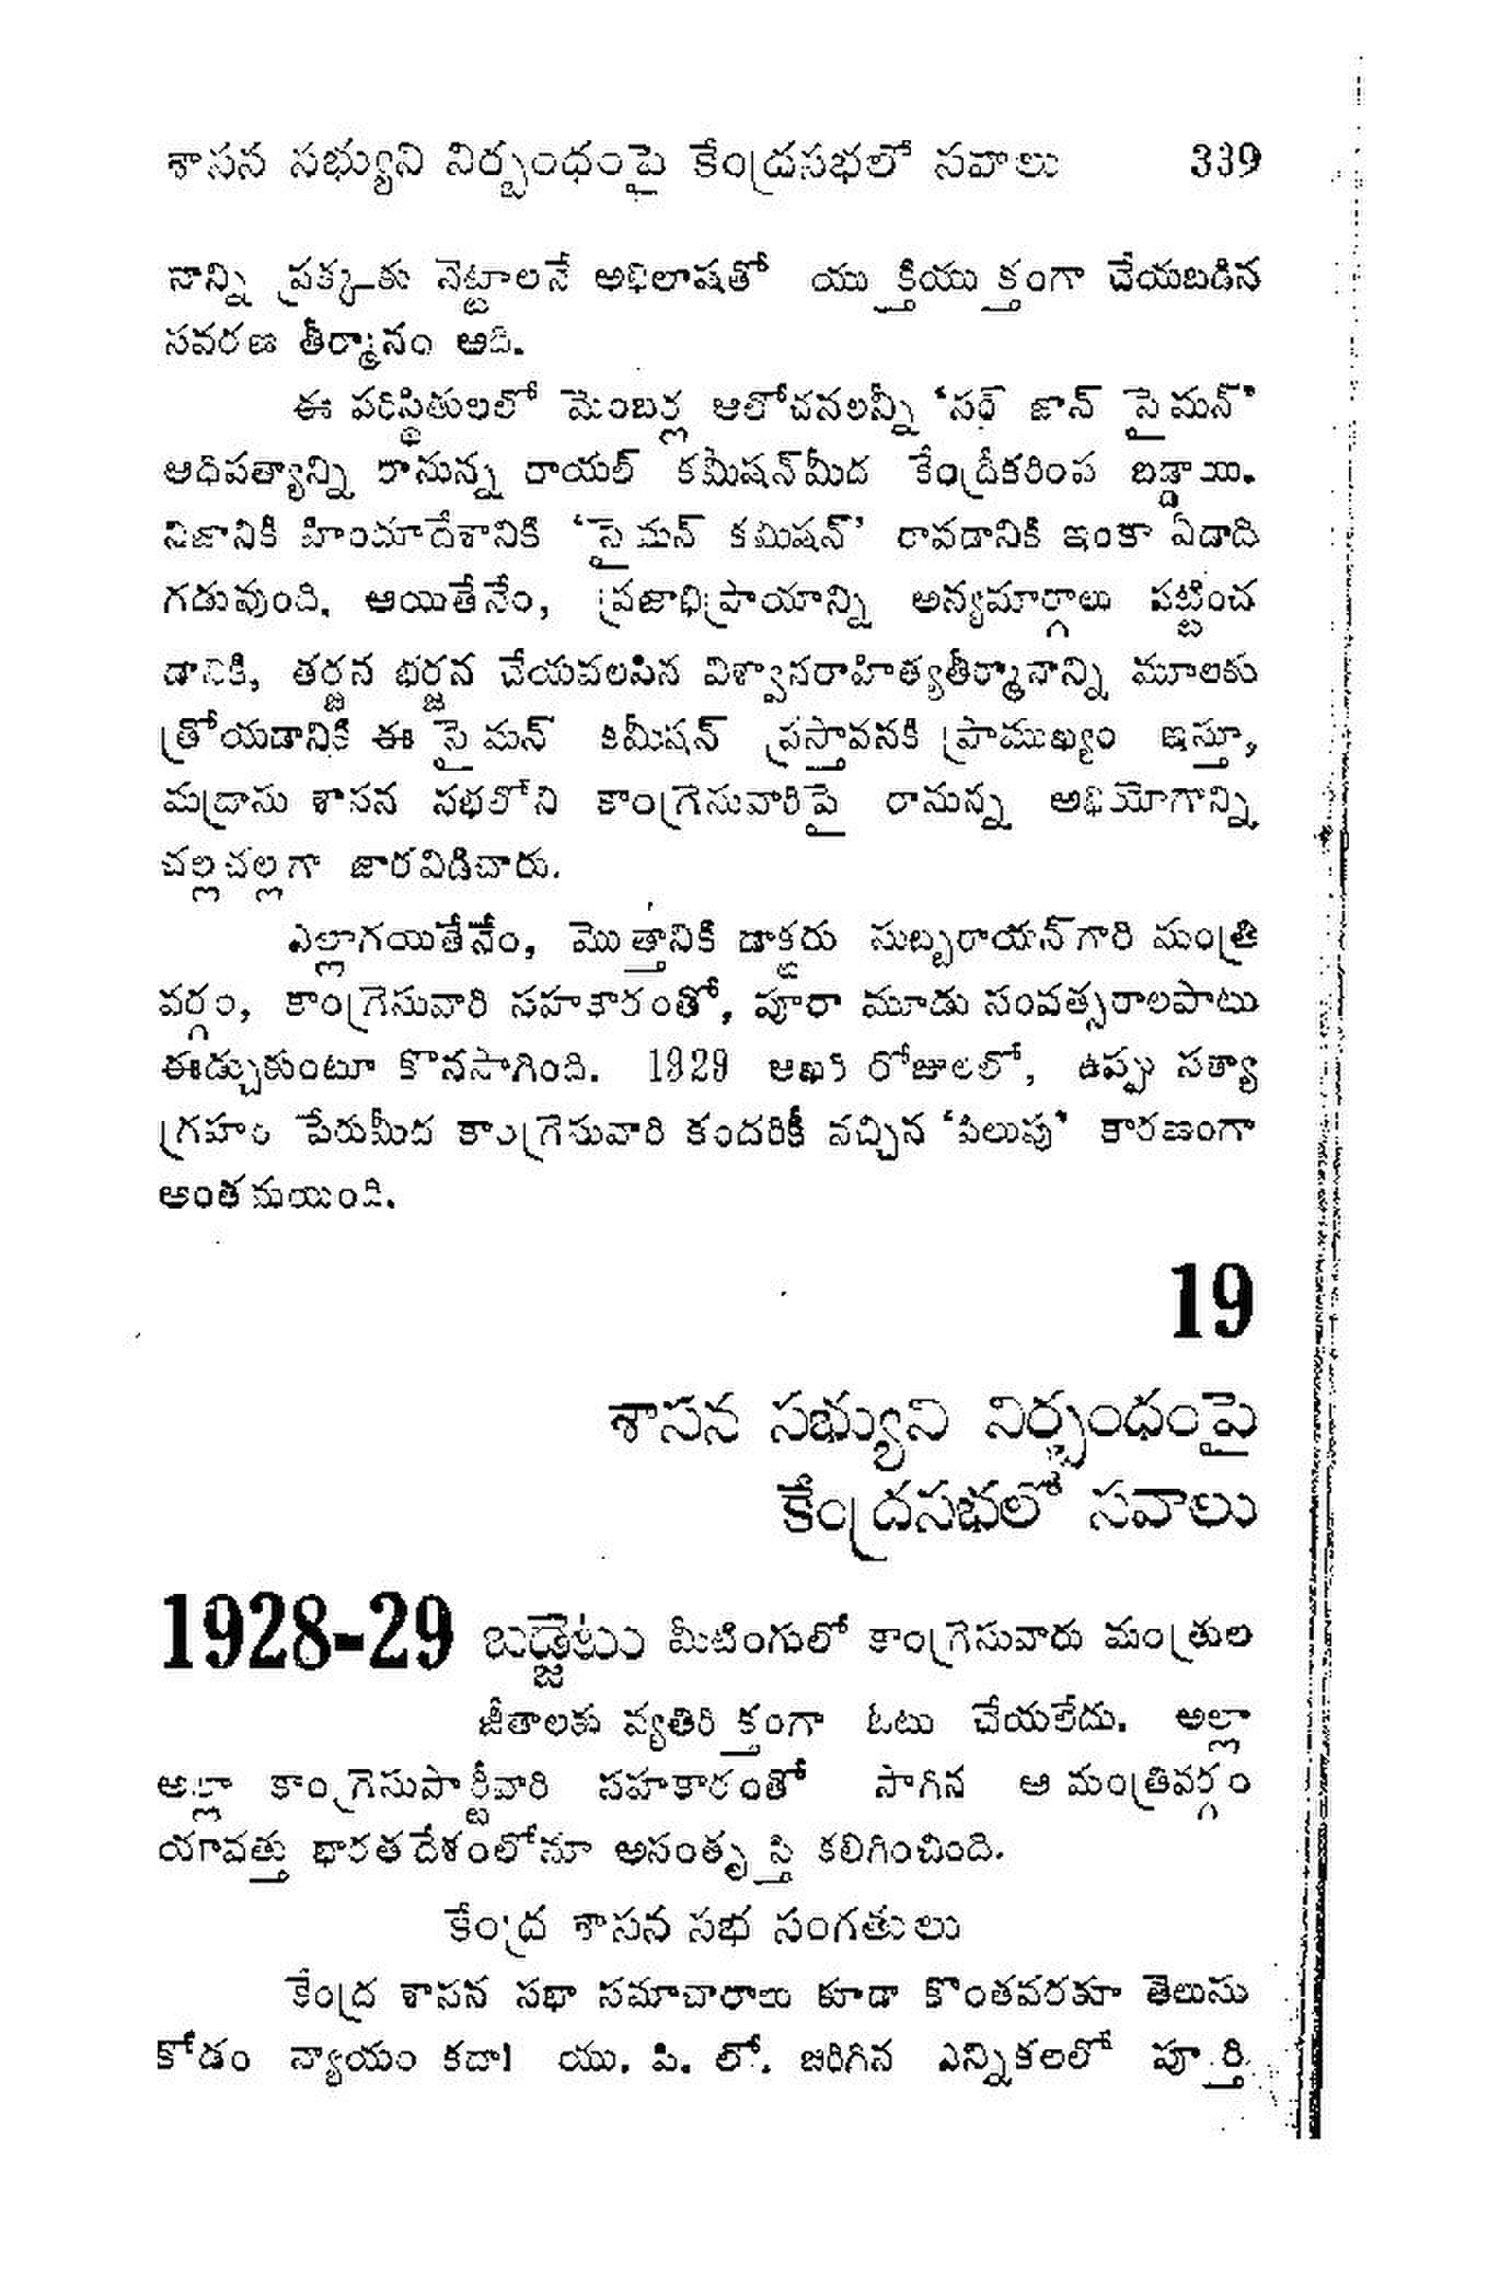నాన్ని ప్రక్కకు నెట్టాలనే అభిలాషతో యుక్తియుక్తంగా చేయబడిన సవరణ తీర్మానం అది.

ఈ పరిస్థితులలో మెంబర్ల ఆలోచనలన్నీ "సర్ జాన్ సైమన్" ఆధిపత్యాన్ని రానున్న రాయల్ కమీషన్‌మీద కేంద్రీకరింప బడ్డాయి. నిజానికి హిందూదేశానికే "సైమన్ కమిషన్" రావడానికి ఇంకా ఏడాది గడువుంది. అయితేనేం, ప్రజాభిప్రాయాన్ని అన్యమార్గాలు పట్టించడానికి, తర్జన భర్జన చేయవలసిన విశ్వాసరాహిత్యతీర్మానాన్ని మూలకు త్రోయడానికి ఈ సైమన్ కమిషన్ ప్రస్తావనకి ప్రాముఖ్యం ఇస్తూ, మద్రాసు శాసన సభలోని కాంగ్రెసువారిపై రానున్న అభియోగాన్ని చల్లచల్లగా జారవిడిచారు.

ఎల్లాగయితేనేం, మొత్తానికి డాక్టరు సుబ్బరాయన్‌గారి మంత్రివర్గం, కాంగ్రెసువారి సహకారంతో, పూరా మూడు సంవత్సరాలపాటు ఈడ్చుకుంటూ కొనసాగింది. 1929 ఆఖరి రోజులలో, ఉప్పు సత్యాగ్రహం, పేరుమీద కాంగ్రెసువారి కందరికీ వచ్చిన "పిలుపు" కారణంగా అంతమయింది.

1928-29 బడ్జెటు మీటింగులో కాంగ్రెసువారు మంత్రుల జీతాలకు వ్యతిరిక్తంగా ఓటు చేయలేదు. అల్లా అల్లా కాంగ్రెసుపార్టీవారి సహకారంతో సాగిన ఆ మంత్రివర్గం యావత్తు భారతదేశంలోనూ అసంతృప్తి కలిగించింది.

కేంద్ర శాసన సభా సమాచారాలు కూడా కొంతవరకూ తెలుసుకోడం న్యాయం కదా! యు. పి. లో. జరిగిన ఎన్నికలలో పూర్తి